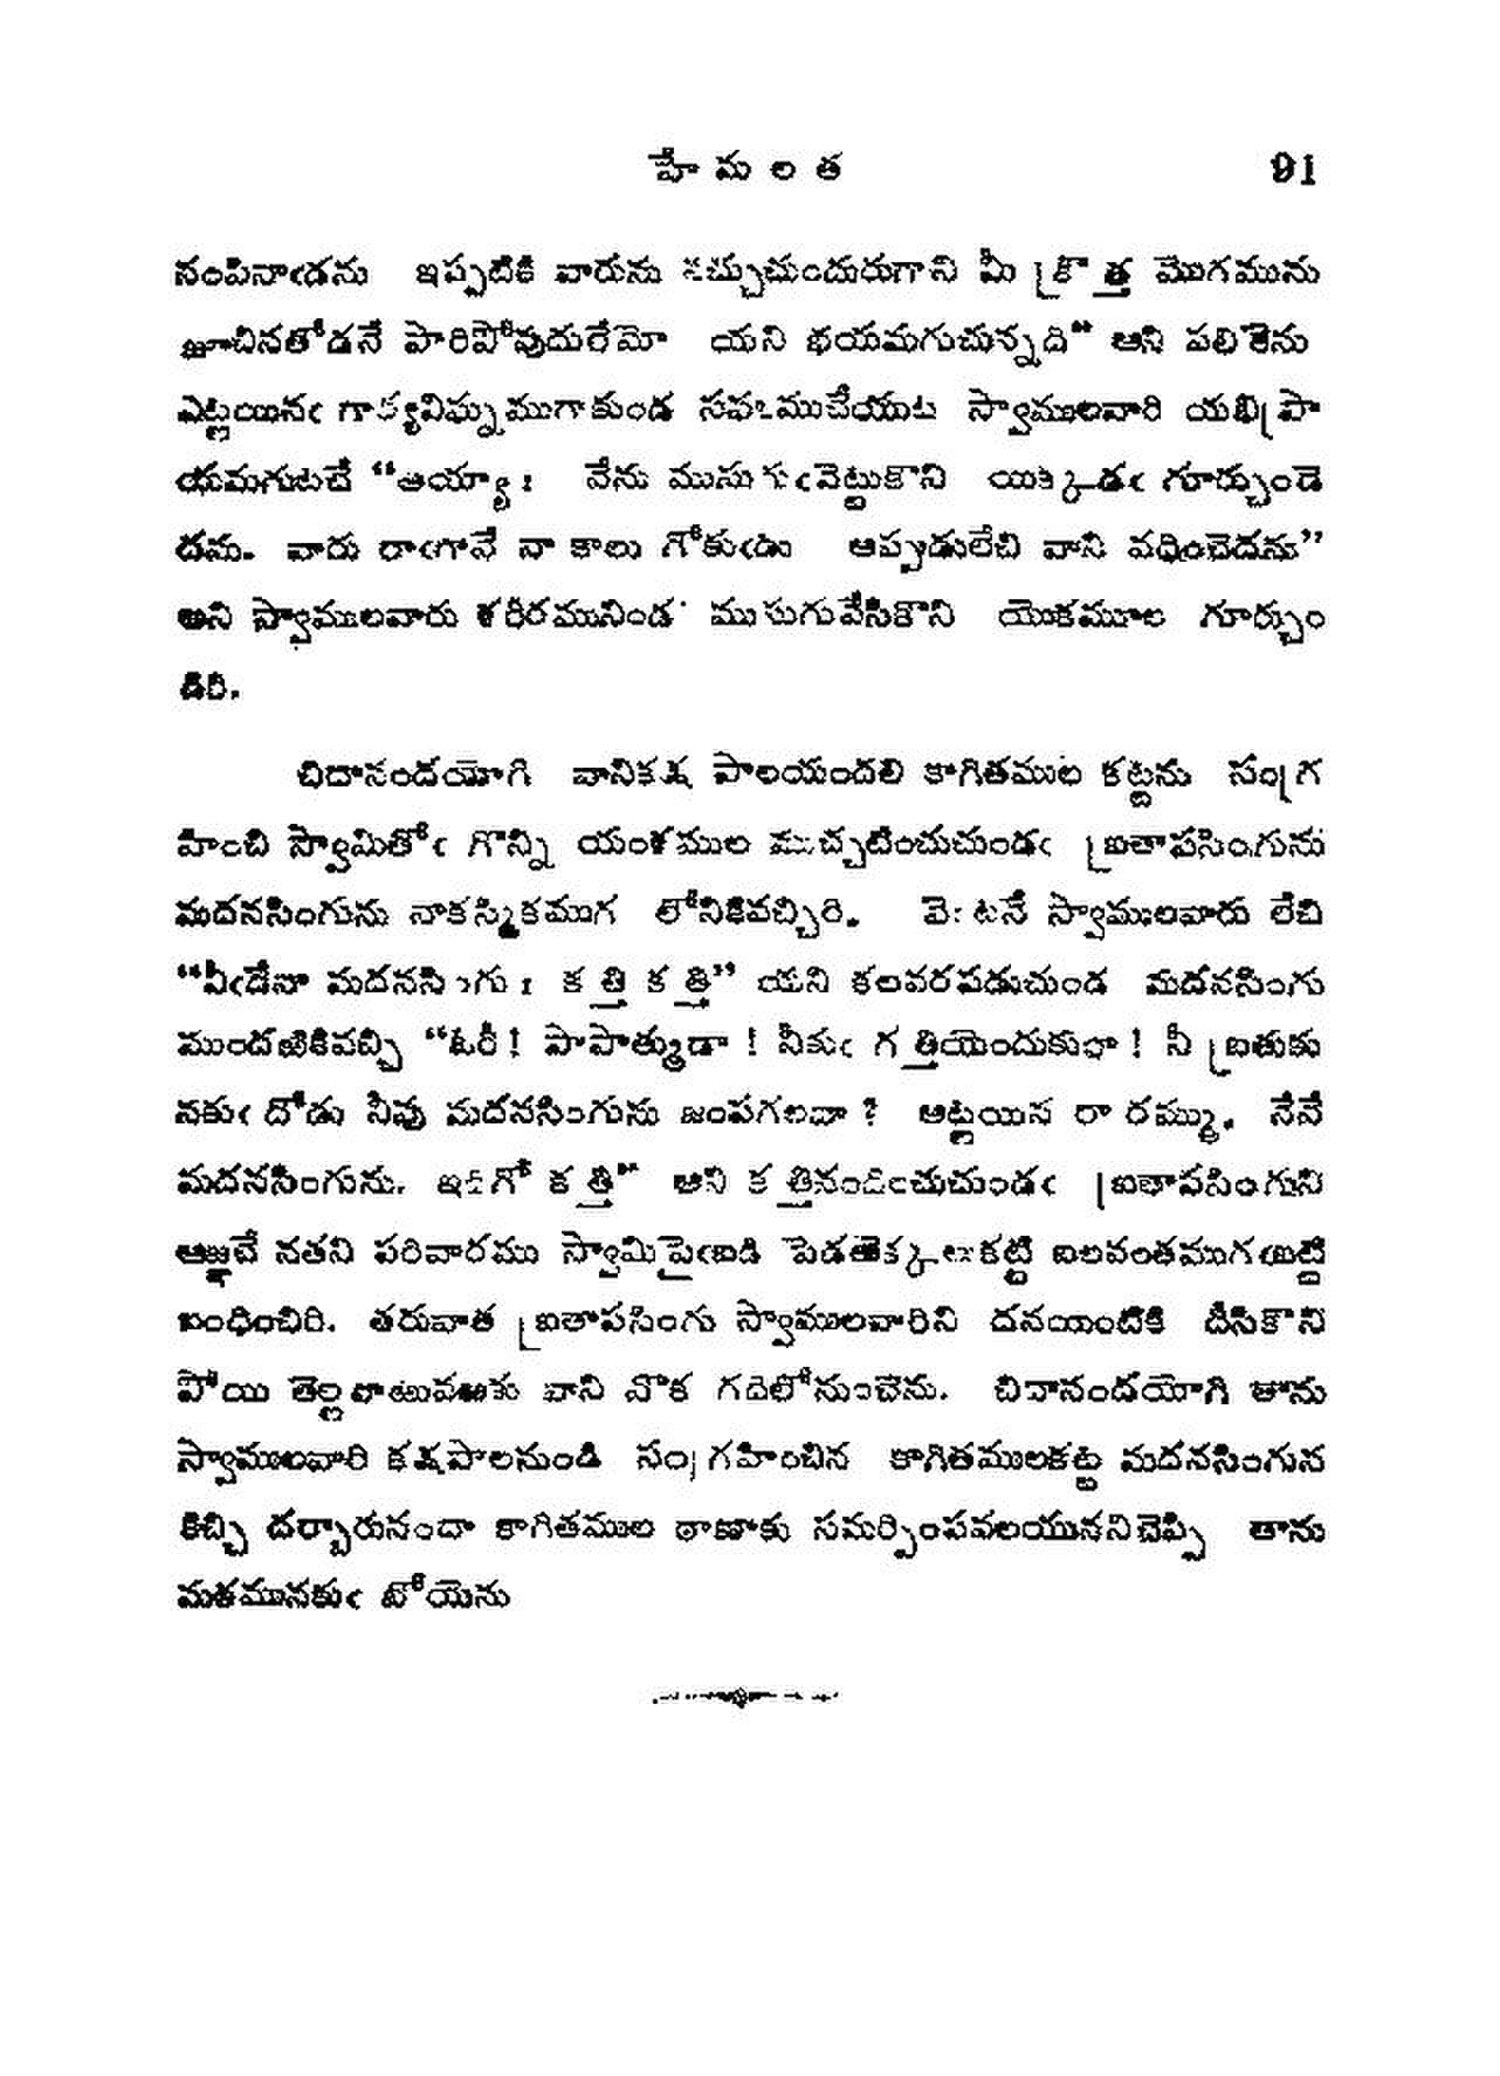నంపినాఁడను. ఇప్పటికి వారును వచ్చుచుందురుగాని మీ క్రొత్త మొగమును జూచినతోడనే పారిపోవుదురేమో యని భయమగుచున్నది” అని పలికెను. ఎట్లయినఁ గార్యవిఘ్నముగాకుండ సఫలముచేయుట స్వాములవారి యభిప్రాయమగుటచే “అయ్యా! నేను ముసుగుఁవెట్టుకొని యిక్కడఁ గూర్చుండెదను. వారు రాఁగానే నా కాలు గోకుడు అప్పుడు లేచి వధించెదను” అని స్వాములవారు శరీరమునిండ ముసుగువేసికొని యొకమూల గూర్చుండిరి.

చిదానందయోగి వానికక్ష పాలయందలి కాగితముల కట్టను సంగ్రహించి స్వామితోఁ గొన్ని యంశముల ముచ్చటించుచుండ బ్రతాపసింగును మదనసింగును నాకస్మికముగ లోనికివచ్చిరి. వెంటనే స్వాములవారు లేచి “వీడేనా మదనసింగు? కత్తి కత్తి” యని కలవరపడుచుండ మదనసింగు ముందఱికివచ్చి “ఓరీ! పాపాత్ముడా! నీకుగత్తి యెందుకురా! నీబ్రతుకునకుఁ దోడు నీవు మదనసింగును జంపగలవా? అట్లయిన రా రమ్ము, నేనే మదనసింగును. అదిగో కత్తి” అని కత్తినందించుచుండఁ బ్రతాపసింగుని ఆజ్ఞచే నతని పరివారము స్వామిపైఁబడి పెడఱెక్కలుకట్టి బలవంతముగఁబట్టి బంధించిరి. తరువాత బ్రతాపసింగు స్వాములవారిని దనయింటికి దీసికొనిపోయి తెల్లవాఱువఱకు వాని నొక గదిలోనుంచెను. చిదానందయోగి తాను స్వాములవారి కక్షపాలనుండి సంగ్రహించిన కాగితముల కట్ట మదనసింగునకిచ్చి దర్బారునందా కాగితముల ఠాణాకు సమర్పింపవలయుననిచెప్పి తాను మఠమునకుఁ బోయెను.